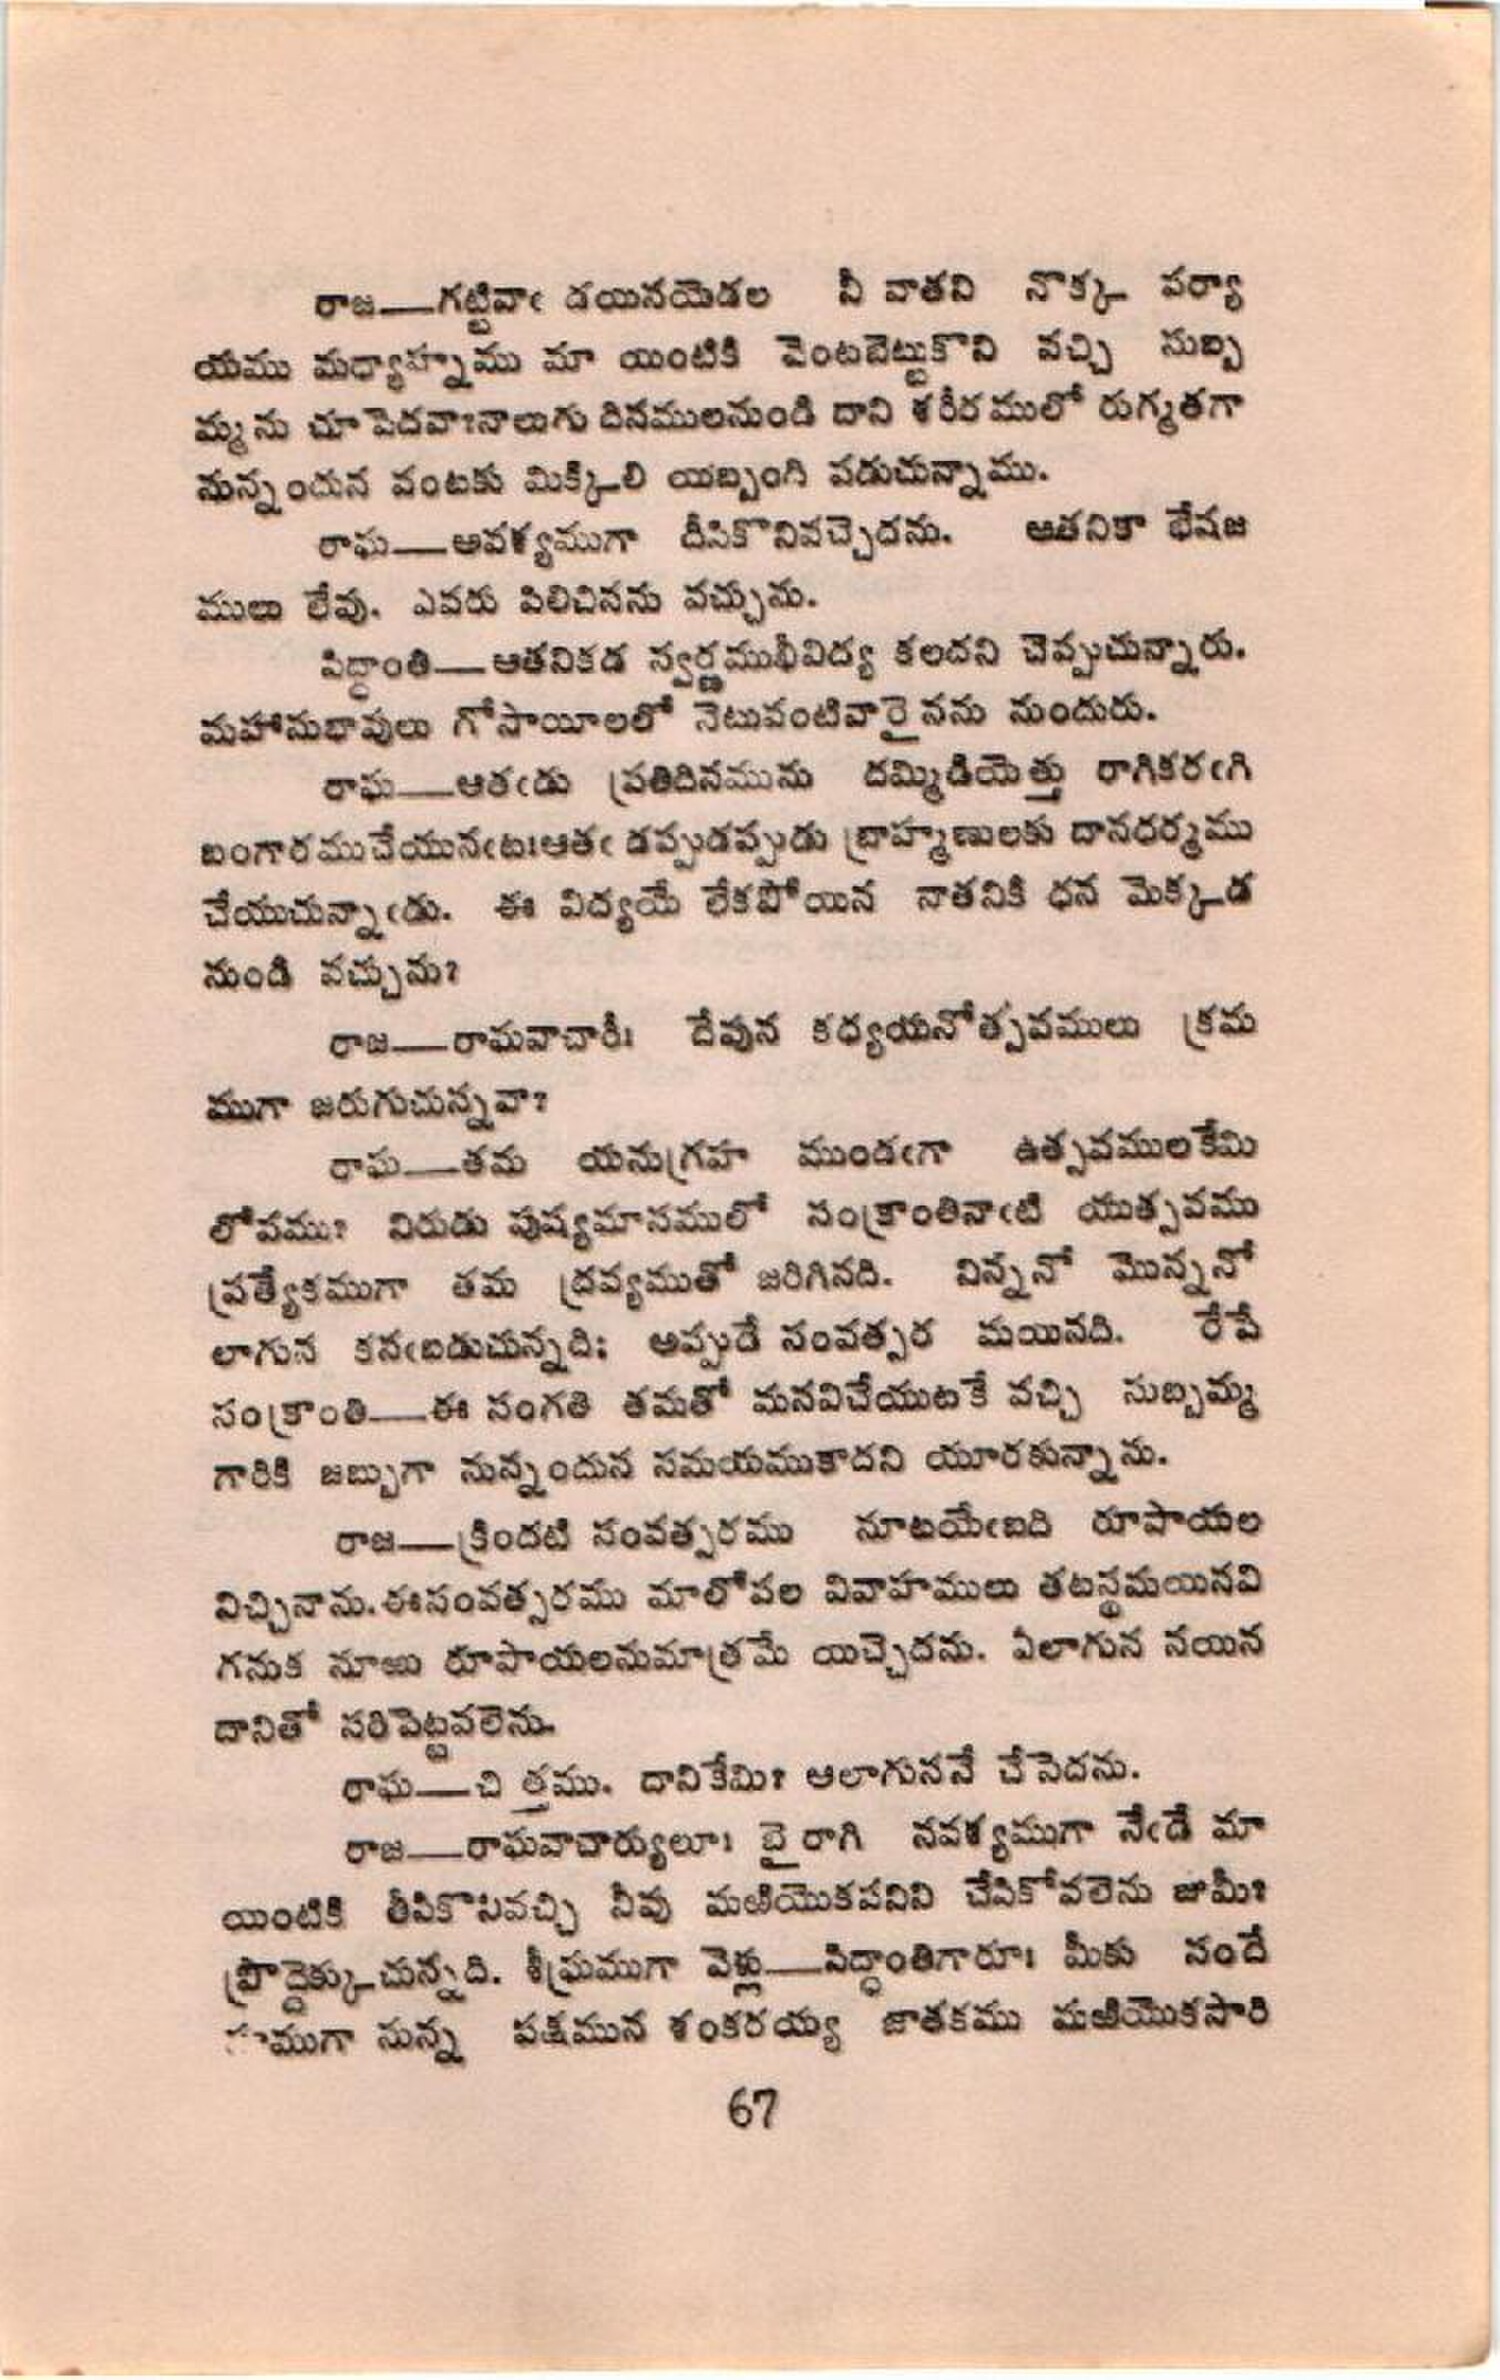రాజ__గట్టివాఁడయినయెడల నీవాతని నొక్క పర్యాయము మధ్యాహ్నము మా యింటికి వెంటబెట్టుకొని వచ్చి సుబ్బమ్మను చూపెదవా?నాలుగు దినములనుండి దాని శరీరములో రుగ్మతగా నున్నందున వంటకు మిక్కిలి యిబ్బంది వడుచున్నాము.

రాఘ__ఆవశ్యముగా దీసికొనివచ్చెదను. అతనికా భేషజములు లేవు. ఎవరు పిలిచినను వచ్చును.

సిద్ధాంతి__ఆతనికడ స్వర్ణముఖీవిద్య కలదని చెప్పుచున్నారు. మహానుభావులు గోసాయీలలో నెటువంటివారైనను నుందురు.

రాఘ__ఆతఁడు ప్రతిదినమును దమ్మిడియెత్తు రాగి కరఁగి బంగారముచేయునఁట: ఆతడప్పుడప్పుడు బ్రాహ్మణులకు దానధర్మము చేయుచున్నాడు. ఈ విద్యయే లేకపోయిన నాతనికి ధన మెక్కడ నుండి వచ్చును?

రాజ__రాఘవాచారీ! దేవున కధ్యయనోత్సవములు క్రమముగా జరుగుచున్నవా?

రాఘ__తమ యనుగ్రహ ముండఁగా ఉత్సవములకేమి లోపము? నిరుడు పుష్యమాసములో సంక్రాంతినాఁటి యుత్సవము ప్రత్యేకముగా తమ ద్రవ్యముతో జరిగినది. నిన్ననో మొన్ననో లాగున కనఁబడుచున్నది; ఆప్పుడే సంవత్సర మయినది. రేపే సంక్రాంతి__ఈ సంగతి తమతో మనవిచేయుటకే వచ్చి సుబ్బమ్మ గారికి జబ్బుగా నున్నందున సమయముకాదని యూరకున్నాను.

రాజ__క్రిందటి సంవత్సరము నూటయేఁబది రూపాయల నిచ్చినాను. ఈసంవత్సరము మాలోవల వివాహములు తటస్థమయినవి గనుక నూఱు రూపాయలను మాత్రమే యిచ్చెదను. ఏలాగున నయిన దానితో సరిపెట్టవలెను.

రాఘ__చిత్తము. దానికేమి? ఆలాగుననే చేసెదను.

రాజ __రాఘవాచార్యులూ బైరాగి నవశ్యముగా నేఁడే యింటికి తీసికొనివచ్చి నీవు మఱియొక పనిని చేసికోవలెను జుమీ! ప్రొద్దెక్కుచున్నది. శీఘ్రముగా వెళ్లు సిద్ధాంతిగారూ! మీకు సందేహముగా నున్న పక్షమున శంకరయ్య జాతకము మఱియొకసారి